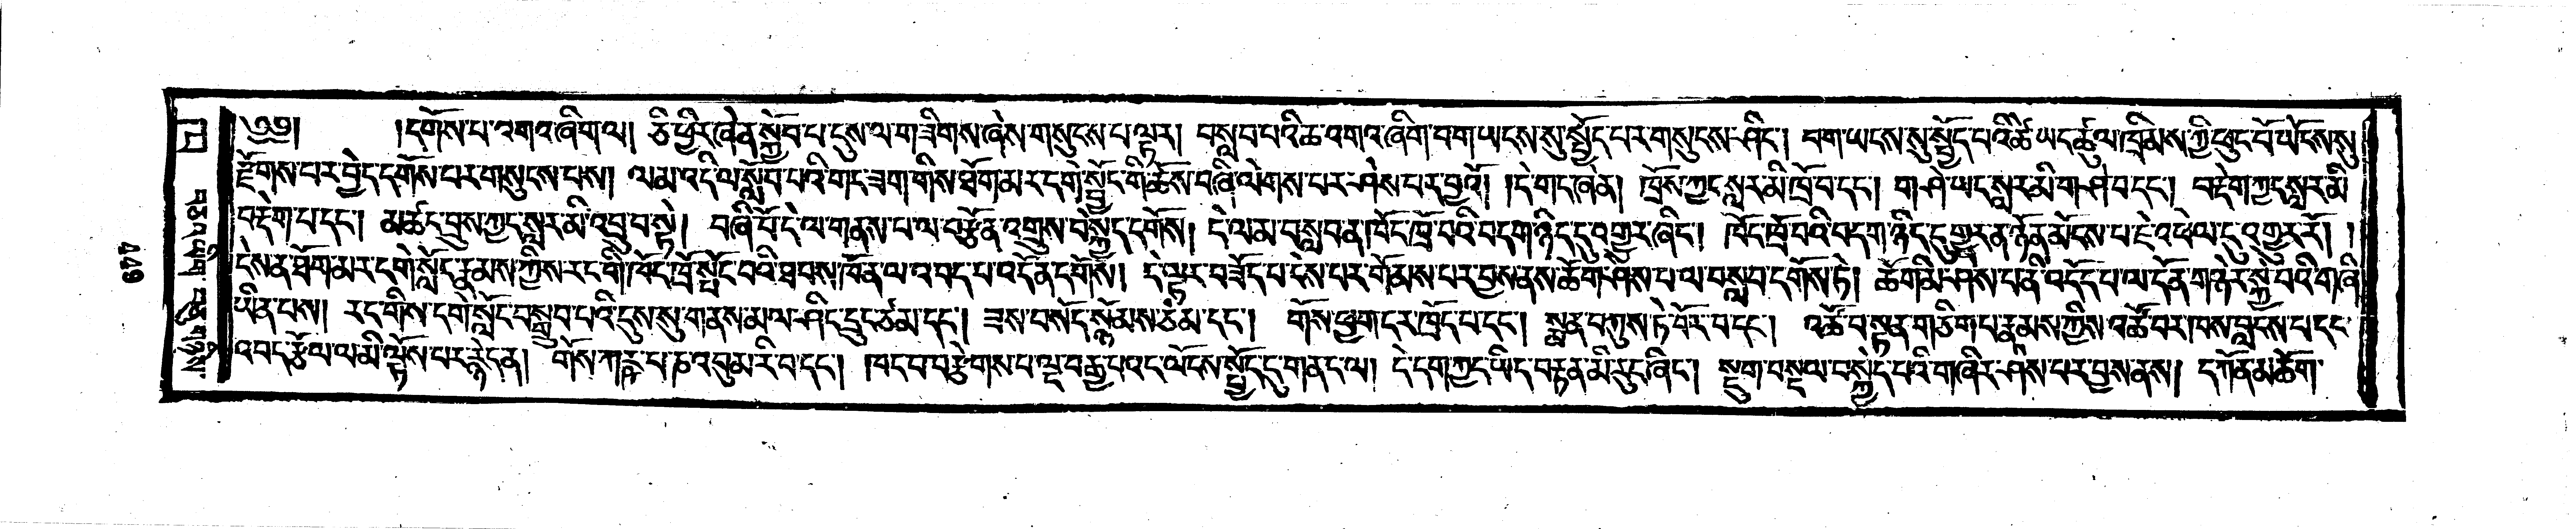༄༅། །དགོས་པ་འགའ་ཞིག་ལ། ཅི་ཕྱིར་ཞེ་ན་སྐྱོབ་པ་དུས་ལ་གཟིགས་ཞེས་གསུངས་པ་ལྟར། བསླབ་པའི་ཆ་འགའ་ཞིག་བག་ཡངས་སུ་སྤྱོད་པར་གསུངས་ཤིང་། བག་ཡངས་སུ་སྦྱོད་པའི་ཚེ་ཡང་ཚུལ་ཁྲིམས་ཀྱི་ཕུང་པོ་ཡོངས་སུ་
རྫོགས་པར་བྱེད་དགོས་པར་གསུངས་པས། ལམ་འདི་ལ་སློབ་པའི་གང་ཟག་གིས་ཐོག་མར་དགེ་སྦྱོང་གི་ཆོས་བཞི་ལེགས་པར་ཤེས་པར་བྱའོ། །དེ་གང་ཞེ་ན། ཁྲོས་ཀྱང་སླར་མི་ཁྲོ་བ་དང་། གཤེ་ཡང་སླར་མི་གཤེ་བ་དང་། བརྡེག་ཀྱང་སླར་མི་
བརྡེག་པ་དང་། མཚད་བྲུས་ཀྱང་སླར་མི་འབྲུ་བ་སྟེ། བཞི་པོ་དེ་ལ་གནས་པ་ལ་བརྩོན་འགྲུས་བསྐྱེད་དགོས། དེ་ལམ་བསླབ་ན་ཁོང་ཁྲོ་བའི་བདག་ཉིད་དུ་འགྱུར་ཞིང་། ཁོང་ཁྲོ་བའི་བདག་ཉིད་དུ་གྱུར་ན་ཉོན་མོངས་པ་ཇེ་འཕེལ་དུ་འགྱུར་རོ། །
དེས་ན་ཐོག་མར་དགེ་སློང་རྣམས་ཀྱིས་རང་གི་ཁོང་ཁྲོ་སྤོང་བའི་ཐབས་ཁོ་ན་ལ་འབད་པ་འདོན་དགོས། དེ་ལྟར་བཟོད་པ་ངེས་པར་གོམས་པར་བྱས་ནས་ཆོག་ཤེས་པ་ལ་བསླབ་དགོས་ཏེ། ཆོ་ག་མི་ཤེས་པ་ནི་འདོད་པ་ལ་དོན་གཉེར་སྐྱེ་བའི་གཞི་
ཡིན་པས། རང་གིས་དགེ་སློང་བསྒྲུབ་པའི་དུས་སུ་གནས་མལ་ཤིང་དྲུང་ཙམ་དང་། ཟས་བསོད་སྙོམས་ཙམ་དང་། གོས་ཕྱག་དར་ཁྲོད་པ་དང་། སྨན་བཀུས་ཏེ་བོར་བ་དང་། འཚོ་བསྟན་གཅིག་པ་རྣམས་ཀྱིས་འཚོ་བར་ཁས་བླངས་པ་དང་
འབད་རྩོལ་ལ་མི་ལྟོས་པར་རྙེད་ན། གོས་ཀརྵ་པ་ཎ་འབུམ་རི་བ་དང་། ཁང་བ་བརྩེགས་པ་ལྔ་བརྒྱ་པའང་ལོངས་སྤྱོད་དུ་གནང་ལ། དེ་དག་ཀྱང་ཡིད་བརྟན་མི་རུང་ཞིང་། སྡུག་བསྔལ་བསྐྱེད་པའི་གཞིར་ཤེས་པར་བྱས་ནས། དཀོན་མཆོག་